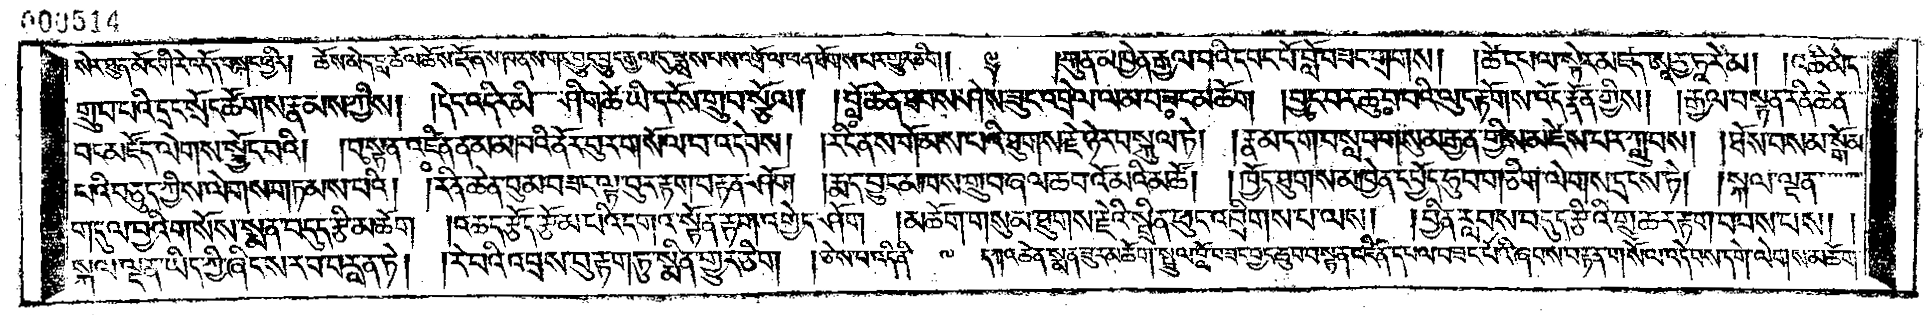སེར་ཐུན་མོང་གི་རེ་འདོད་བསྐང་ཕྱིར། ཆོས་མེད་བླ་ཆོལ་ཆོས་རྡོར་ནས་ཁ་ནས་གང་བྱུང་བྱུང་རྒྱལ་དུ་སྨྲས་པས་འགྲོ་ལ་ཕན་ཐོགས་པར་གྱུར་ཅིག ། ༈ །ཀུན་མཁྱེན་རྒྱལ་བའི་དབང་པོ་བློ་བཟང་གྲགས། །ཚེ་དཔལ་སྟེར་མཛད་ཨཱརྱ་ཏཱ་རེ་མ། །འཆི་མེད་
གྲུབ་པའི་དྲང་སྲོང་ཚོགས་རྣམས་ཀྱིས། །དེང་འདིར་མི་ཤིག་ཚེ་ཡི་དངོས་གྲུབ་སྩོལ། །བློ྾་ཆེན་ཐབས་ཤེས་ཟུང་འབྲེལ་ལམ་བཟང྾་མཆོག །བྱང྾་བར་ཆུབ྾་བའི་ལུང་རྟོགས་འོད་རྣོན་གྱིས། །རྒྱལ་བསྟན་རིན་ཆེན་
བང་མཛོད་ལེགས་སྐྱོང་བའི། །བསྟན྾་འཛིན྾་ནམ་མཁའི་ནོར་བུར་གསོལ་བ་འདེབས། །རིང་ནས་གོམས་པའི་ཐུགས་རྗེ་ཉེར་བསྐུལ་ཏེ། །རྣམ་དག་བསླབ་གསུམ་རྒྱན་གྱིས་མཛེས་པར་ཀླུབས། །ཐོས་བསམ་སྒོམ་
པའི་བཅུད་ཀྱིས་ལེགས་གཏམས་པའི། །རིན་ཆེན་བུམ་བཟང་ལྟ་བུར་རྟག་བརྟན་ཤོག །རྨད་བྱུང་མཁས་གྲུབ་ཞལ་ཆབ་འོ་མའི་མཚོ། །ཁྱོད་ཐུགས་མཁྱེན་དཔྱོད་ཧུབ་གཅིག་ལེགས་དྲངས་ཏེ། །སྐལ་ལྡན་
གདུལ་བྱའི་གསོས་སྨན་བདུད་རྩི་མཆོག །འཆད་རྩོད་རྩོམ་པའི་དགའ་སྟོན་རྟག་འགྱེད་ཤོག །མཆོག་གསུམ་ཐུགས་རྗེའི་སྤྲིན་ཕུང་འཁྲིགས་པ་ལས། །བྱིན་རླབས་བདུད་རྩིའི་གྲུ་ཆར་རྟག་བབས་པས། །
སྐལ་ལྡན་ཡིད་ཀྱི་ཞིང་ས་རབ་བརླན་ཏེ། །རེ་བའི་འབྲས་བུ་རྟག་ཏུ་སྨིན་གྱུར་ཅིག །ཅེས་པ་འདི་ནི་༧་དཀའ་ཆེན་སྨན་ཟུར་མཆོག་སྤྲུལ་བློ་བཟང་བྱང་ཆུབ་བསྟན་འཛིན་དཔལ་བཟང་པོའི་ཞབས་བརྟན་གསོལ་འདེབས་དགེ་ལེགས་མཆོག་